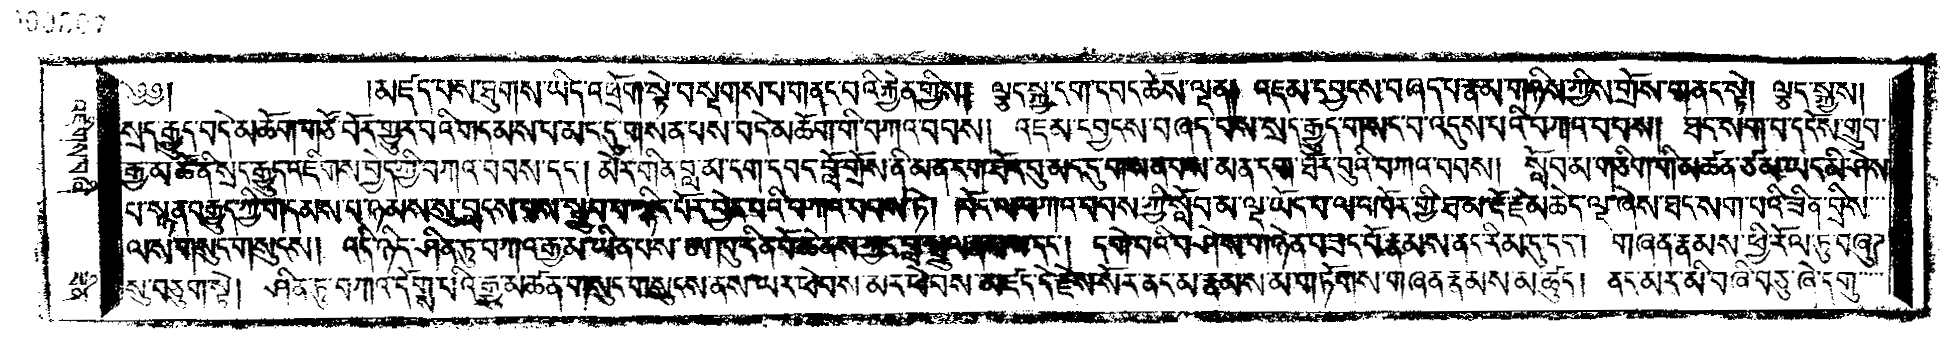༄༅། །མཛད་པས་ཐུགས་ཡིད་འཕྲོག་སྟེ་བསྔགས་པ་གནང་བའི་རྐྱེན་གྱིས། ལྕང་སྐྱ་ངག་དབང་ཆོས་ལྡན། འཇམ་དབྱངས་བཞད་པ་རྣམ་གཉིས་ཀྱིས་གྲོས་གནང་སྟེ། ལྕང་སྐྱས།
སྲད་རྒྱུད་བདེ་མཆོག་གཙོ་བོར་གྱུར་བའི་གདམས་པ་མང་དུ་གསན་པས་བདེ་མཆོག་གི་བཀའ་བབས། འཇམ་དབྱངས་བཞད་པས་སྲད་རྒྱུད་གསང་བ་འདུས་པའི་བཀའ་བབས། ཐང་སག་པ་དངོས་གྲུབ་
རྒྱ་མཚོ་ནི་སྲད་རྒྱུད་འཇིགས་བྱེད་ཀྱི་བཀའ་བབས་དང་། མེར་གིན་གིན་བླ་མ་ངག་དབང་བློ་གྲོས་ནི་མན་ངག་ཐོར་བུ་མང་དུ་གསན་པས་མན་ངག་ཐོར་བུའི་བཀའ་བབས། སློབ་མ་གཅིག་གི་མཚན་ཙམ་ཡང་མི་ཤེས་
པ་སྙན་བརྒྱུད་ཀྱི་གདམས་པ་ཉམས་སུ་བླངས་པས་སྒྲུབ་པ་སྙིང་པོར་བྱེད་པའི་བཀའ་བབས་ཏེ། ཁོང་ལ་བཀའ་བབས་ཀྱི་སློབ་མ་ལྔ་ཡོད་པ་ལ་འཁོར་གྱི་ཐ་མ་རྡོ་རྗེ་མཆེད་ལྔ་ཞེས་ཐང་སག་པའི་ཟིན་བྲིས་
ལས་གསུང་གསུངས། འདི་ཉིད་ཤིན་ཏུ་བཀའ་རྒྱ་མ་ཡིན་པས་ཨ་ཁུ་རིན་པོ་ཆེ་ནས་ཀྱང་བླ་སྤྲུལ་རྣམས་དང་། དགེ་བའི་བཤེས་གཉེན་བཟང་པོ་རྣམས་ནང་རིམ་དུ་དང་། གཞན་རྣམས་ཕྱི་རོལ་ཏུ་བཞུགས་
སུ་བཅུག་སྟེ། ཤིན་ཏུ་བཀའ་དོགས་པའི་རྒྱུ་མཚན་གསུང་གསུངས་ནས་ཡར་ཕེབས་མར་ཕེབས་མཛད་དེ་རྗེས་སོར་ནང་མ་རྣམས་མ་གཏོགས་གཞན་རྣམས་མ་ཚུད། ནང་མར་མི་བཞི་བཅུ་ཞེ་དགུ་